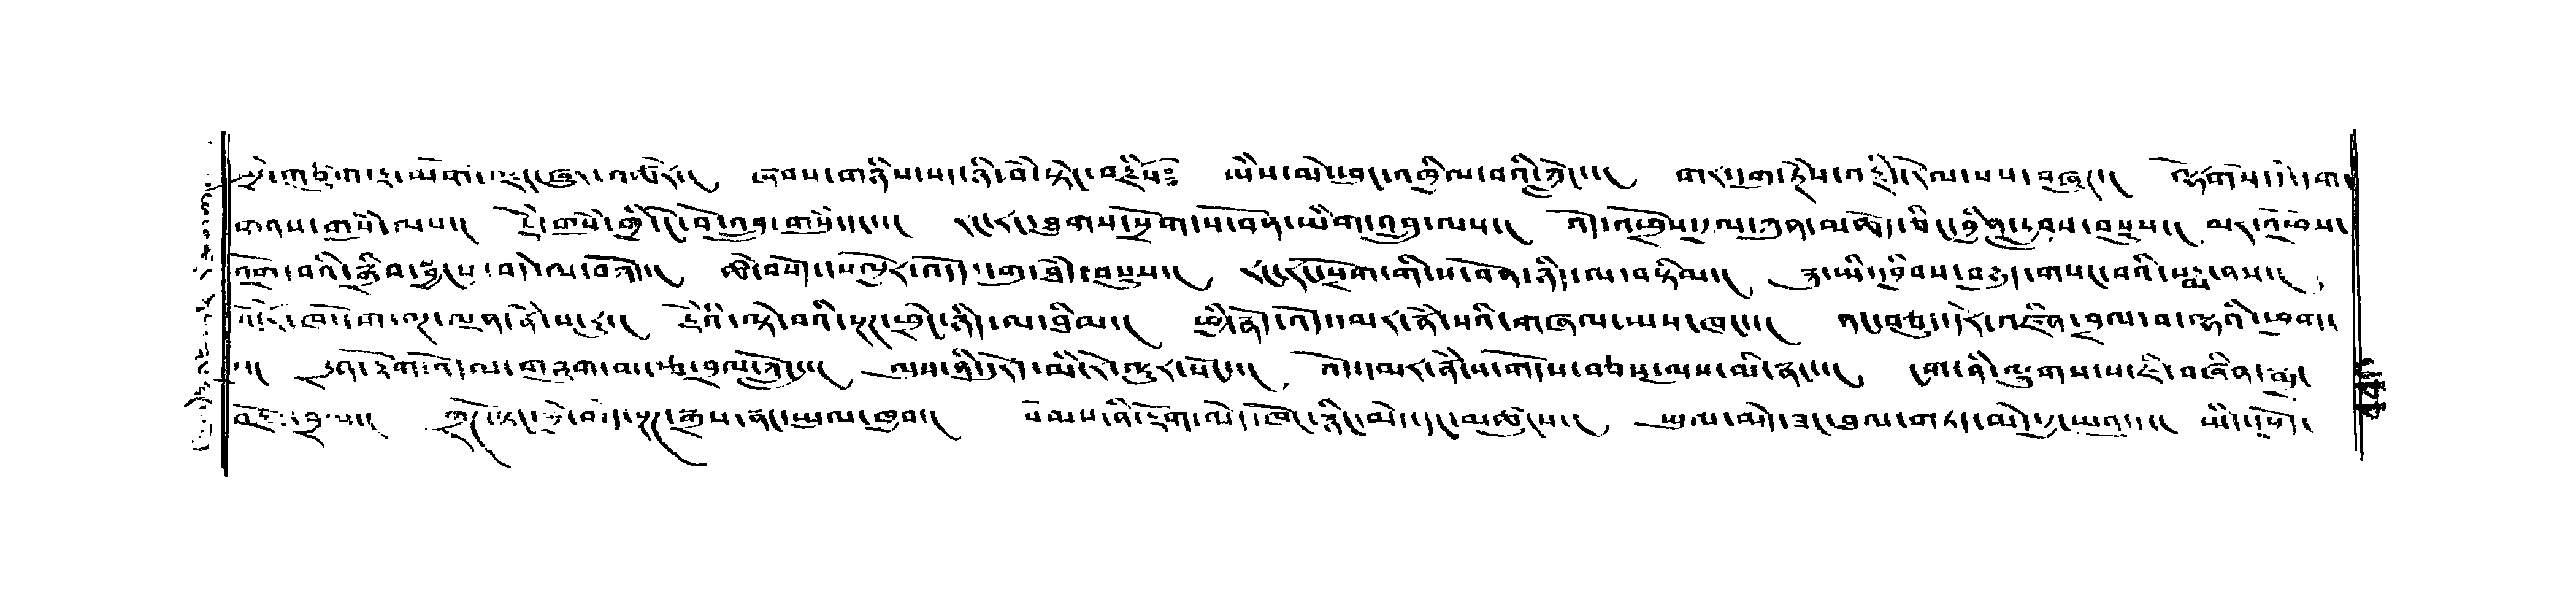།སྤྱི་གཙུག་རྟ་མོག་ལྗང་ཁུར་འཚེར། །ཞབས་གཉིས་པད་ཉི་བམ་སྟེང་བརྫིས། །ཡེ་ཤེས་མེ་ཕུང་འཁྱིལ་བའི་ཀློང་། །གར་དགུ་རྔམས་བརྗིད་རོལ་པས་བཞུགས། །ལྷ་ཚོགས་དེ་དག་
གནས་གསུམ་ལས། །རྡོ་རྗེ་གསུམ་གྱི་ངོ་བོ་འབྲུ་གསུམ་དང་། །རང་རང་ཐུགས་སྲོག་ས་བོན་ཡིག་འབྲུ་ལས། །འོད་འཕྲོས་རྒྱལ་ཀུན་མཆོད་ཅིང་བྱིན་རླབས་བསྡུས། །མར་འཕྲོས་
འགྲོ་བའི་སྒྲིབ་སྦྱངས་བདེ་ལ་བཀོད། །ཚེ་བསོད་དཔལ་འབྱོར་འདོད་དགུ་ཐམས་ཅད་བསྡུས། །རང་རང་སྲོག་གི་ས་བོན་ཉིད་ལ་བསྟིམ། །སྐུ་ཡི་དབྱིབས་བརྒྱུད་གསང་བའི་པདྨ་ནས། །
འོད་ཟེར་ཁ་དོག་ལྔ་ལྡན་རྣམ་པ་རུ། །རྡོ་རྗེའི་ལྟེ་བའི་སྔགས་ཕྲེང་ཉིད་ལ་ཐིམ། །ཕྱི་སྣོད་འོད་དམར་རྣམ་པའི་གཞལ་ཡས་ཁང་། །ནང་བཅུད་དེར་འཛིན་བྲལ་བ་ལྷའི་ཕྱག་
རྒྱ། །དྲན་རྟོག་འོད་གསལ་གཉུག་མ་རྩ་བྲལ་ཀློང་། །ལུས་ནི་དུར་ཁྲོད་མི་རོ་ལྟ་བུར་སོང་། །འོད་དམར་རྣམ་པ་གདོས་བཅས་ལུས་མི་སྣང་། །ངག་ནི་ལྐུགས་པ་ཇི་བཞིན་སྨྲ་
བརྗོད་བྲལ། །གྲགས་སྟོང་སྐྱེ་མེད་སྔགས་སྒྲས་སྣང་ཡུལ་ཁྱབ། །སེམས་ནི་རྟོག་མེད་ཁོང་སྙིང་མེད་དང་མཚུངས། །ཡུལ་མེད་ཟང་ཐལ་གཏད་མེད་རྒྱ་ཡན་དུ། །ཡིད་དཔྱོད་